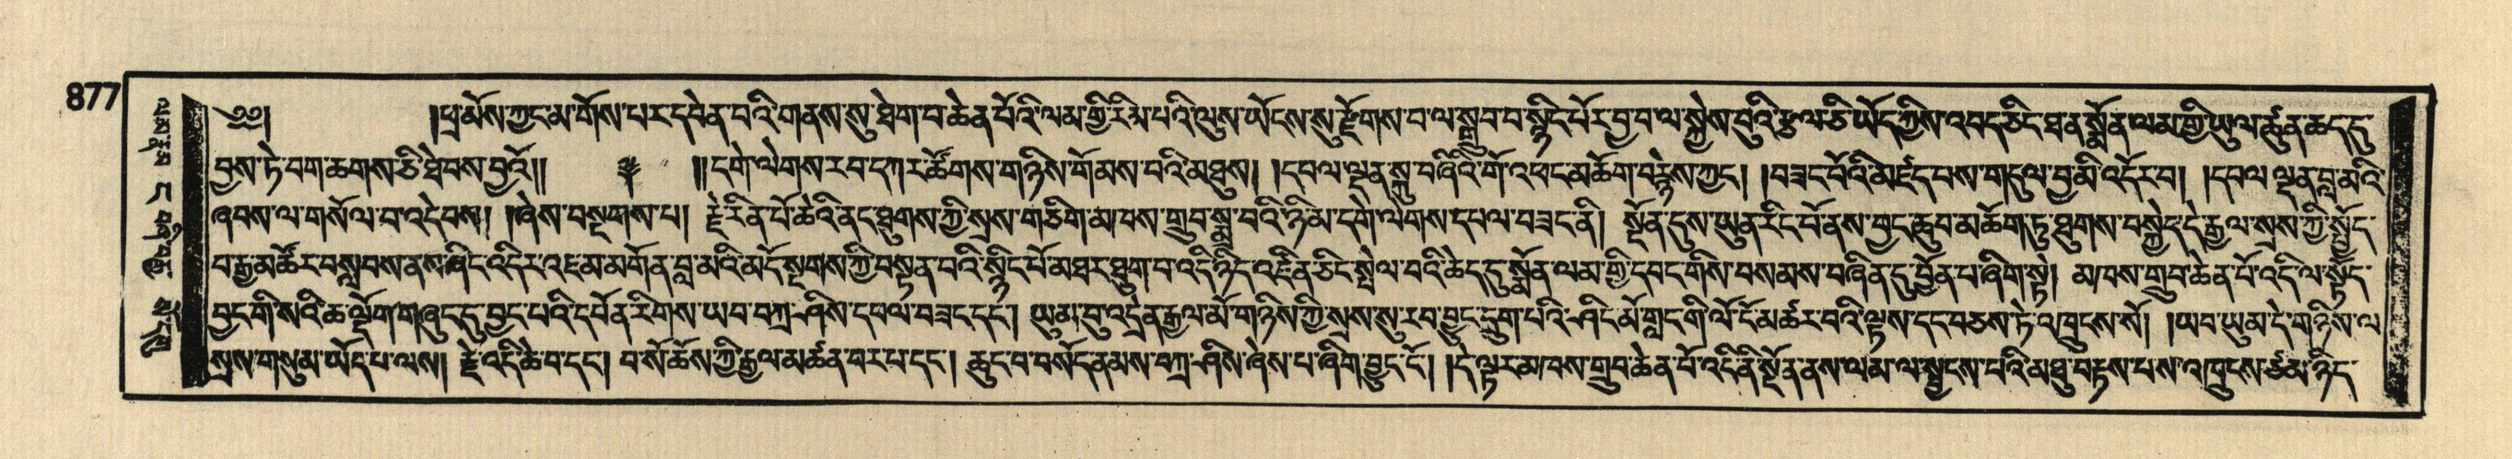༄༅། །ཕྲ་མོས་ཀྱང་མ་གོས་པར་དབེན་བའི་གནས་སུ་ཐེག་བ་ཆེན་པོའི་ལམ་གྱི་རིམ་པའི་ལུས་ཡོངས་སུ་རྫོགས་བ་ལ་སྒྲུབ་བ་སྙིང་པོར་བྱ་བ་ལ་སྐྱེས་བུའི་རྩལ་ཅི་ཡོད་ཀྱིས་འབད་ཅིང་ཐ་ན་སྨོན་ལམ་གྱི་ཡུལ་ཚུན་ཆད་དུ་
བྱས་ཏེ་བག་ཆགས་ཅི་ཐེབས་བྱའོ།། ༈ །།དགེ་ལེགས་རབ་དཀར་ཚོགས་གཉིས་གོམས་པའི་མཐུས། །དཔལ་ལྡན་སྐུ་བཞིའི་གོ་འཕང་མཆོག་བརྙེས་ཀྱང་། །བཟང་བོའི་མཛད་པས་གདུལ་བྱ་མི་འདོར་བ། །དཔལ་ལྡན་བླ་མའི་
ཞབས་ལ་གསོལ་བ་འདེབས། །ཞེས་བསྔགས་པ། རྗེ་རིན་པོ་ཆེའི་ནང་ཐུགས་ཀྱི་སྲས་གཅིག་མཁས་གྲུབ་སྨྲ་བའི་ཉི་མ་དགེ་ལེགས་དཔལ་བཟང་ནི། སྔོན་དུས་ཡུན་རིང་པོ་ནས་བྱང་ཆུབ་མཆོག་ཏུ་ཐུགས་བསྐྱེད་དེ་རྒྱལ་སྲས་ཀྱི་སྤྱོད་
བ་རྒྱ་མཚོར་བསླབས་ནས་ཞིང་འདིར་འཇམ་མགོན་བླ་མའི་མདོ་སྔགས་ཀྱི་བསྟན་བའི་སྙིང་པོ་མཐར་ཐུག་བ་འདི་ཉིད་འཛིན་ཅིང་སྤེལ་བའི་ཆེད་དུ་སྨོན་ལམ་གྱི་དབང་གིས་བསམས་བཞིན་དུ་བྱོན་པ་ཞིག་སྟེ། མཁས་གྲུབ་ཆེན་པོ་འདི་ལ་སྟོད་
བྱང་གི་སའི་ཆ་ལྡོག་གཞུང་དུ་བྱང་པའི་དཔོན་རིགས་ཡབ་བཀྲ་ཤིས་དཔལ་བཟང་དང་། ཡུམ་བུ་འདྲེན་རྒྱལ་མོ་གཉིས་ཀྱི་སྲས་སུ་རབ་བྱུང་དྲུག་པའི་ཤིང་མོ་གླང་གི་ལོ་ངོ་མཚར་བའི་ལྟས་དང་བཅས་ཏེ་འཁྲུངས་སོ། །ཡབ་ཡུམ་དེ་གཉིས་ལ་
སྲས་གསུམ་ཡོད་པ་ལས། རྗེ་འདི་ཆེ་བ་དང་། བ་སོ་ཆོས་ཀྱི་རྒྱལ་མཚན་བར་པ་དང་། ཆུང་བ་བསོད་ནམས་བཀྲ་ཤིས་ཞེས་པ་ཞིག་བྱུང་ངོ། །དེ་ལྟར་མཁས་གྲུབ་ཆེན་པོ་འདི་ནི་སྔོན་ནས་ལམ་ལ་སྦྱངས་པའི་མཐུ་བརྟས་པས་འཁྲུངས་ཙམ་ཉིད་